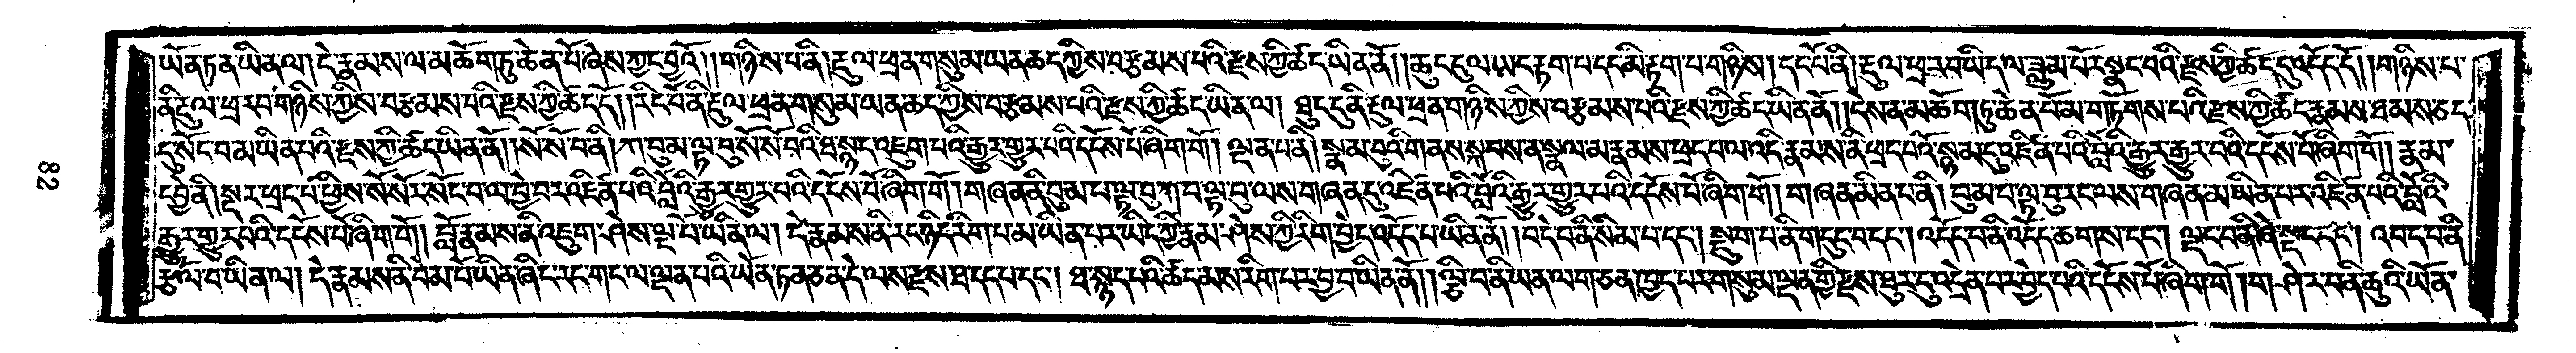ཡོན་ཚན་ཡིན་ལ། དེ་རྣམས་ལ་མཆོག་ཏུ་ཆེན་པོ་ཞེས་ཀྱང་བྱའོ། །གཉིས་པ་ནི། རྡུལ་ཕྲན་གསུམ་ཡན་ཆད་ཀྱིས་བརྩམས་པའི་རྫས་ཀྱི་ཚད་ཡིན་ནོ། །ཆུང་ངུ་ལ་ཡང་རྟག་པ་དང་མི་རྟག་པ་གཉིས། དང་པོ་ནི། རྡུལ་ཕྲ་རབ་ཡིད་ལ་ཟླུམ་པོར་སྣང་བའི་རྫས་ཀྱི་ཚད་དུ་འདོད་དོ། །གཉིས་པ་
ནི་རྡུལ་ཕྲ་རབ་གཉིས་ཀྱིས་བརྩམས་པའི་རྫས་ཀྱི་ཚད་དོ། །རིང་པོ་ནི་རྡུལ་ཕྲན་གསུམ་ཡན་ཆད་ཀྱིས་བརྩམས་པའི་རྫས་ཀྱི་ཚད་ཡིན་ལ། ཐུང་ངུ་ནི་རྡུལ་ཕྲན་གཉིས་ཀྱིས་བརྩམས་པའི་རྫས་ཀྱི་ཚད་ཡིན་ནོ། །དེས་ན་མཆོག་ཏུ་ཆེན་པོ་མ་གཏོགས་པའི་རྫས་ཀྱི་ཚད་རྣམས་ཐམས་ཅད་
དུ་སོང་བ་མ་ཡིན་པའི་རྫས་ཀྱི་ཚད་ཡིན་ནོ། །སོ་སོ་བ་ནི། ཀ་བུམ་ལྟ་བུ་སོ་སོ་བའི་ཐ་སྙད་འཇུག་པའི་རྒྱུར་གྱུར་པའི་དངོས་པོ་ཞིག་གོ། ལྡན་པ་ནི། སྣམ་བུའི་གནས་སྐབས་ན་སྣལ་མ་རྣམས་ཕྲད་པ་ལ་འདི་རྣམས་ནི་ཕྲད་པའོ་སྙམ་དུ་འཛིན་པའི་བློའི་རྒྱུར་རྒྱུར་པའི་དངོས་པོ་ཞིག་གོ། རྣམ་
དབྱེ་ནི། སྔར་ཕྲང་པ་ཕྱིས་སོ་སོར་སོང་བ་ལ་བྱེ་པར་འཛིན་པའི་བློའི་རྒྱུར་གྱུར་པའི་དངོས་པོ་ཞིག་གོ། གཞན་ནི་བུམ་པ་ལྟ་བུ་ཀ་བ་ལྟ་བུ་ལས་གཞན་དུ་འཛིན་པའི་བློའི་རྒྱུར་གྱུར་པའི་དངོས་པོ་ཞིག་གོ། གཞན་མིན་པ་ནི། བུམ་པ་ལྟ་བུ་རང་ལས་གཞན་མ་ཡིན་པར་འཛིན་པའི་བློའི་
རྒྱུར་གྱུར་བའི་དངོས་པོ་ཞིག་གོ། བློ་རྣམས་ནི་འཇུག་ཤེས་ལྔ་པོ་ཡིན་ལ། དེ་རྣམས་ནི་རང་ཉིད་རིག་པ་མ་ཡིན་པར་ཡིད་ཀྱི་རྣམ་ཤེས་ཀྱི་རིག་བྱེད་འདོད་པ་ཡིན་ནོ། །བདེ་བ་ནི་སིམ་པ་དང་། སྡུག་པ་ནི་གདུང་བ་དང་། འདོད་པ་ནི་འདོད་ཆགས་དང་། ལྡང་བ་ནི་ཞེ་སྡང་དང་། འབད་པ་ནི་
རྩོལ་བ་ཡིན་ལ། དེ་རྣམས་ནི་བེམ་པོ་ཡིན་ཞིང་རང་གང་ལ་ལྡན་པའི་ཡོན་ཏན་ཅན་དེ་ལས་རྫས་ཐ་དད་པ་དང་། ཐ་སྙད་པའི་ཚད་མས་རིག་པར་བྱ་བ་ཡིན་ནོ། །ལྕི་བ་ནི་ཡན་ལག་ཅན་ཁྱད་པར་གསུམ་ལྡན་གྱི་རྫས་ཐུར་དུ་འདྲེན་པར་བྱེད་པའི་དངོས་པོ་ཞིག་གོ །གཤེར་བ་ནི་ཆུའི་ཡོན་